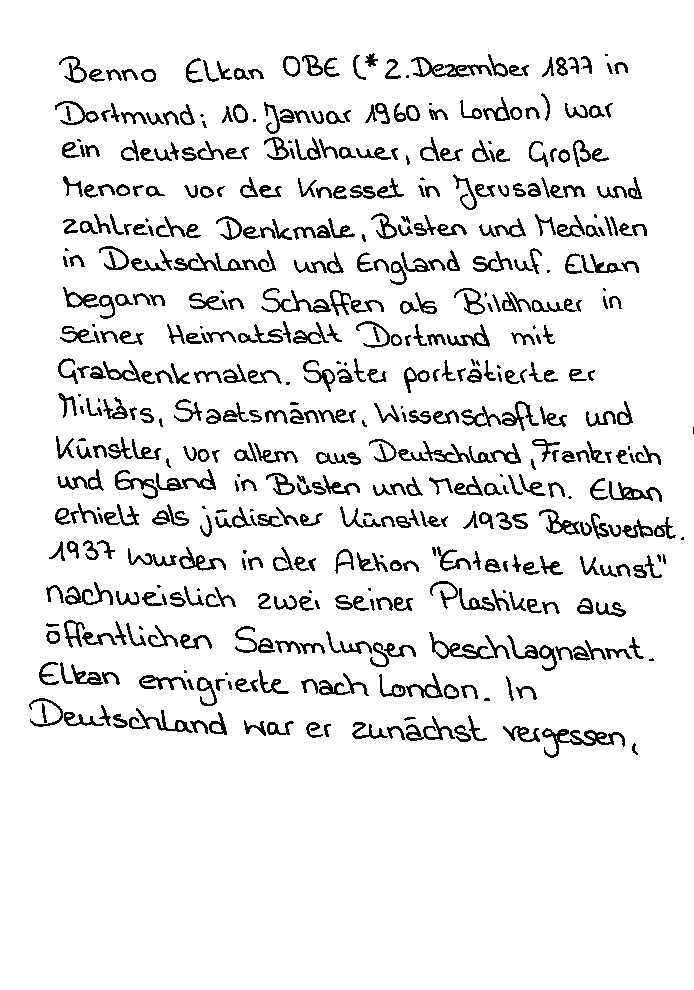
Benno Elkan OBE (* 2. Dezember 1877 in
Dortmund; 10. Januar 1960 in London) war
ein deutscher Bildhauer, der die Große
Menora vor der Knesset In Jerusalem und
zahlreiche Denkmale, Büsten und Medaillen
in Deutschland und England schuf. Elkan
begann Sein Schaffen als Bildhauer in
seiner Heimatstadt Dortmund mit
Grabdenkmalen. Später porträtierte er
Militärs, Staatsmänner, Wissenschaftler und
Künstler, vor allem aus Deutschland, Frankreich
und England in Büsten und Medaillen. Elkan
erhielt als jüdischer Künstler 1935 Berufsverbot.
1937 wurden in der Aktion "Entartete Kunst"
nachweislich zwei seiner Plastiken aus
öffentlichen Sammlungen beschlagnahmt.
Elkan emigrierte nach London. In
Deutschland war er zunächst vergessen,
